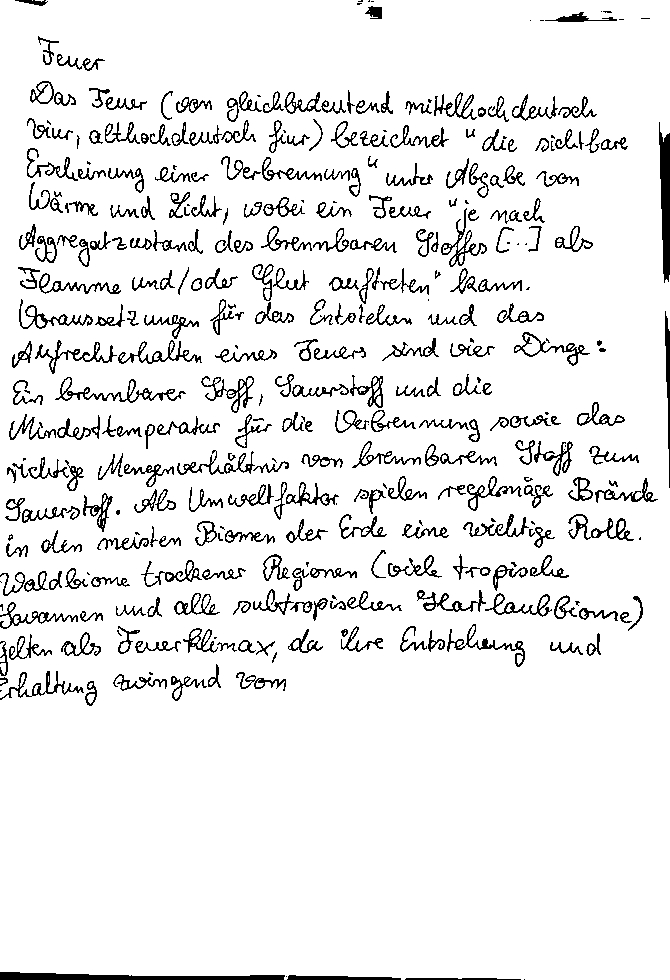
Feuer
Das Feuer (von gleichbedeutend mittelhochdeutsch
viur, althochdeutsch fiur) bezeichnet "die sichtbare
Erscheinung einer Verbrennung" unter Abgabe von
Wärme und Licht, wobei ein Feuer "je nach
Aggregatzustand des brennbaren Stoffes [...] als
Flamme und/oder Glut auftreten" kann.
Voraussetzungen für das Entstehen und das
Aufrechterhalten eines Feuers sind vier Dinge:
Ein brennbarer Stoff, Sauerstoff und die
Mindesttemperatur für die Verbrennung sowie das
richtige Mengenverhältnis von brennbarem Stoff zum
Sauerstoff.Als Umweltfaktor spielen regelmäßige Brände
in den meisten Biomen der Erde eine wichtige Rolle.
Waldbiome trockener Regionen (viele tropische
Savannen und alle subtropischen Hartlaubbiome)
gelten als Feuerklimax, da ihre Entstehung und
Erhaltung zwingend vom
